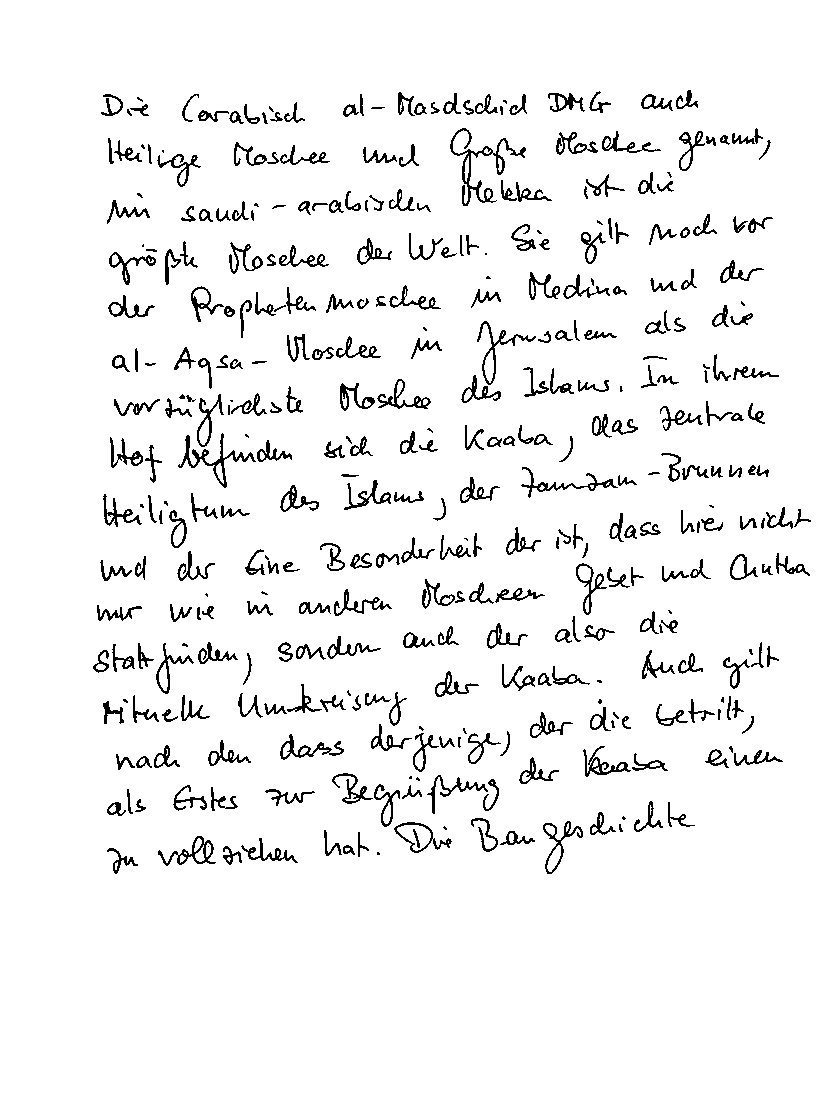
Die (arabisch al-Masdschid DMG auch
Heilige Moschee und Große Moschee genannt,
im saudi-arabischen Mekka ist die
größte Moschee der Welt. Sie gilt noch vor
der Prophetenmoschee in Medina und der
al-Aqsa-Moschee in Jerusalem als die
vorzüglichste Moschee des Islams. In ihrem
Hof befinden sich die Kaaba, das zentrale
Heiligtum des Islams, der Zamzam-Brunnen
und der Eine Besonderheit der ist, dass hier nicht
nur wie in anderen Moscheen Gebet und Chutba
stattfinden, sondern auch der also die
rituelle Umkreisung der Kaaba. Auch gilt
nach den dass derjenige, der die betritt,
als Erstes zur Begrüßung der Kaaba einen
zu vollziehen hat.Die Baugeschichte
